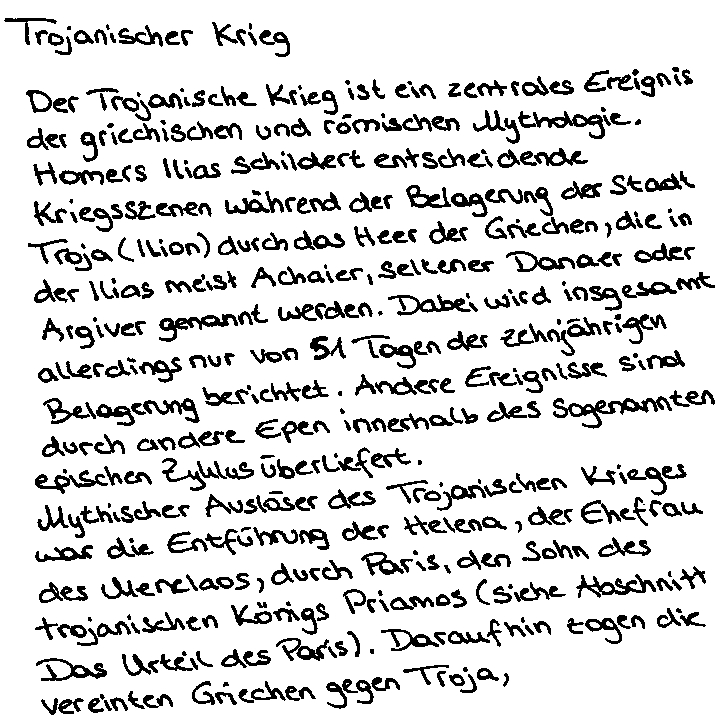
Trojanischer Krieg
Der Trojanische Krieg ist ein zentrales Ereignis
der griechischen und der römischen Mythologie.
Homers Ilias schildert entscheidende
Kriegsszenen während der Belagerung der Stadt
Troja (Ilion) durch das Heer der Griechen, die in
der Ilias meist Achaier, seltener Danaer oder
Argiver genannt werden. Dabei wird insgesamt
allerdings nur von 51 Tagen der zehnjährigen
Belagerung berichtet. Andere Ereignisse sind
durch andere Epen innerhalb des sogenannten
epischen Zyklus überliefert.
Mythischer Auslöser des Trojanischen Krieges
war die Entführung der Helena, der Ehefrau
des Menelaos, durch Paris, den Sohn des
trojanischen Königs Priamos (siehe Abschnitt
Das Urteil des Paris). Daraufhin zogen die
vereinten Griechen gegen Troja,
